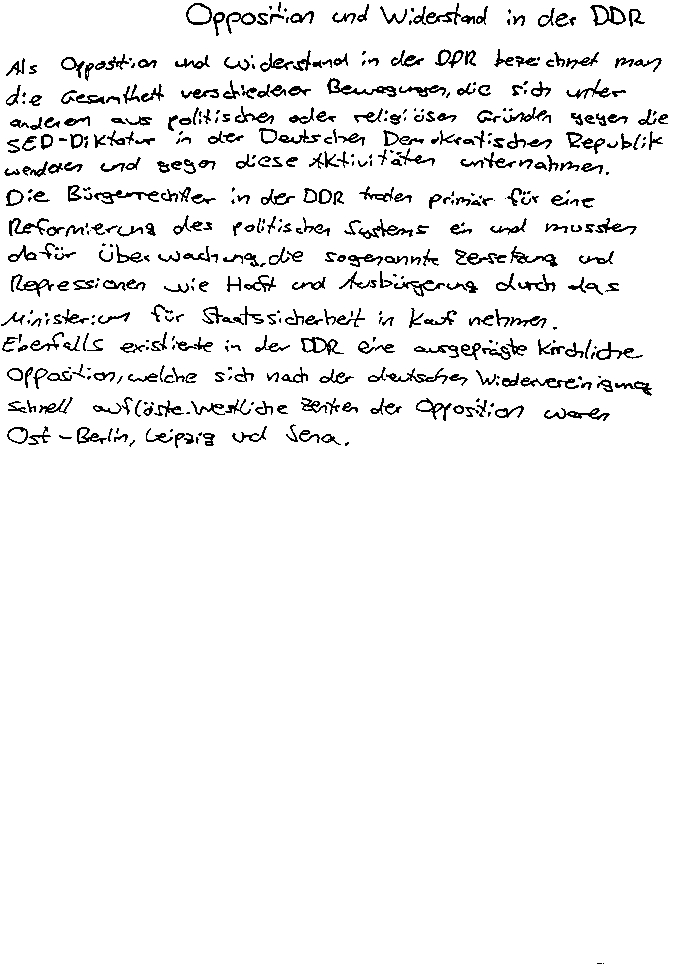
Opposition und Widerstand in der DDR
Als Opposition und Widerstand in der DDR bezeichnet man
die Gesamtheit verschiedener Bewegungen, die sich unter
anderem aus politischen oder religiösen Gründen gegen die
SED-Diktatur in der Deutschen Demokratischen Republik
wendeten und gegen diese Aktivitäten unternahmen.
Die Bürgerrechtler in der DDR traten primär für eine
Reformierung des politischen Systems ein und mussten
dafür Überwachung, die sogenannte Zersetzung und
Repressionen wie Haft und Ausbürgerung durch das
Ministerium für Staatssicherheit in Kauf nehmen.
Ebenfalls existierte in der DDR eine ausgeprägte kirchliche
Opposition, welche sich nach der deutschen Wiedervereinigung
schnell auflöste. Wesentliche Zentren der Opposition waren
Ost-Berlin, Leipzig und Jena.
